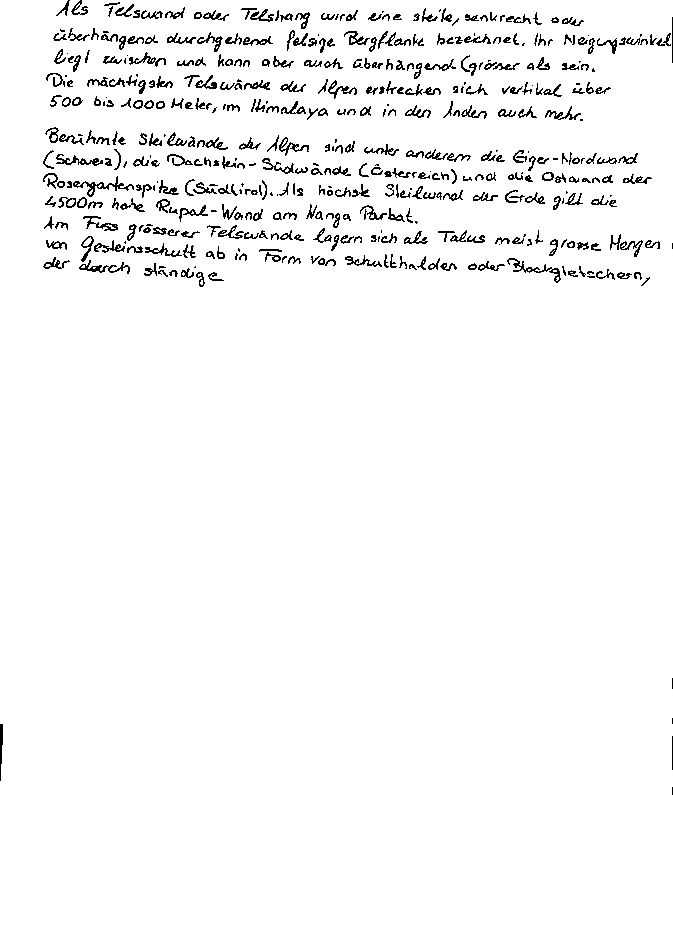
Als Felswand oder Felshang wird eine steile, senkrecht oder
überhängend durchgehend felsige Bergflanke bezeichnet. Ihr Neigungswinkel
liegt zwischen und kann aber auch überhängend (größer als sein.
Die mächtigsten Felswände der Alpen erstrecken sich vertikal über
500 bis 1000 Meter, im Himalaya und in den Anden auch mehr.
Berühmte Steilwände der Alpen sind unter anderem die Eiger-Nordwand
(Schweiz), die Dachstein-Südwände (Österreich) und die Ostwand der
Rosengartenspitze (Südtirol). Als höchste Steilwand der Erde gilt die
4500 m hohe Rupal-Wand am Nanga Parbat.
Am Fuß größerer Felswände lagern sich als Talus meist große Mengen
von Gesteinsschutt ab in Form von Schutthalden oder Blockgletschern,
der durch ständige
